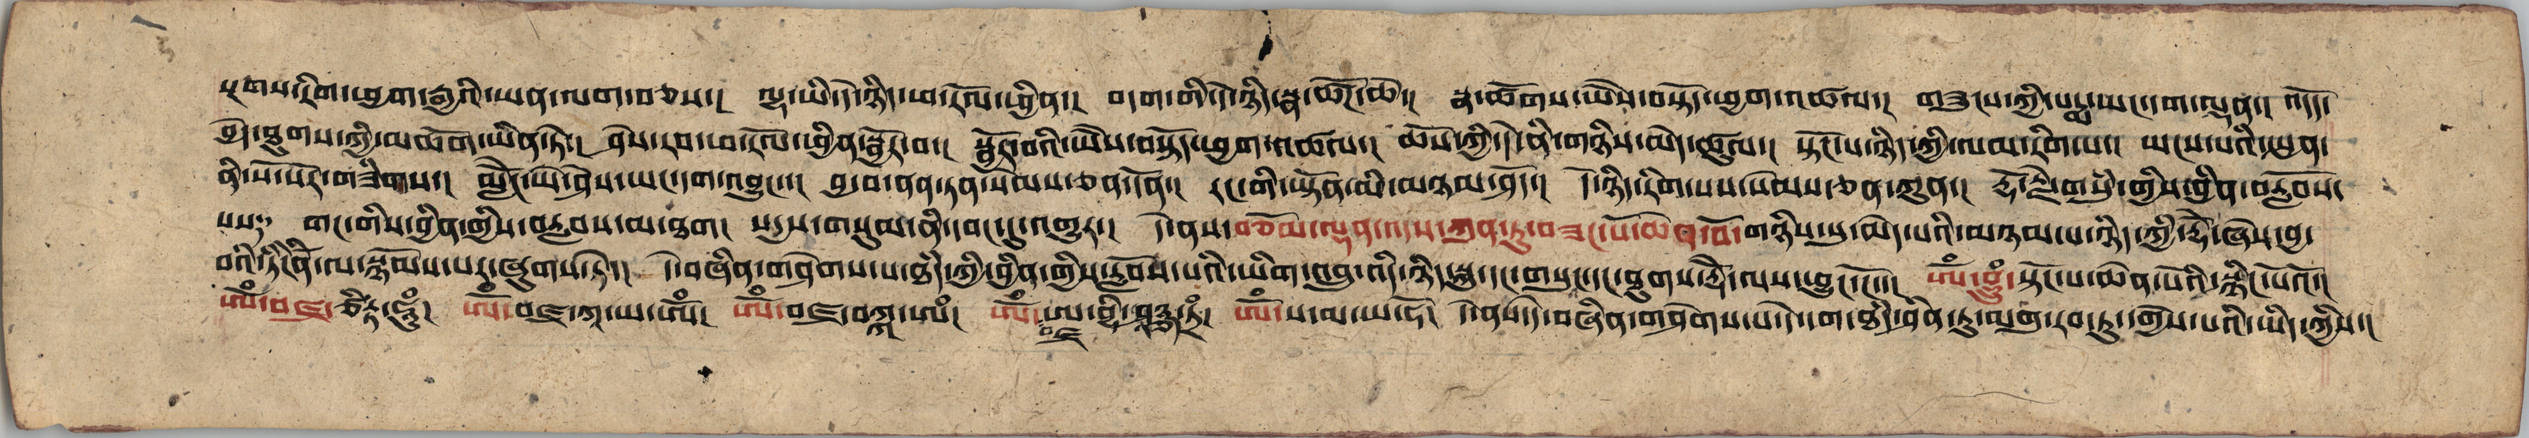སྔགས་རིག་ཕྱག་རྒྱའི་ཡན་ལག་བཅས་། ལྷ་ཡི་དེ་ཉིད་ཕ་རོལ་ཕྱིན་། བདག་གི་དེ་ཉིད་སྣ་ཚོཌ་ཆེ་། སྣ་ཚོགས་ཡཻས་བསྟོད་ཕྱག་འཚལ་། གཟུངས་ཀྱི་པདྨ་ཡང་དག་ལྡན་། འདོད་
བྱེད་ཐུགས་ཀྱི་མཆོག་ཡིན་ཏེ་། ཤེས་རབ་ཕ་རོལ་ཕྱིན་སྦྱོར་བ་། སྦྱོར་བའི་ཡཻས་བསྟོད་ཕྱག་འཚལ་། ཆོས་ཀྱི་དེ་ནི་གཉིས་མེད་ཚུལ་། སྟོང་པ་ཉིད་ཀྱི་ལམ་རིག་པ་། ཡངས་པའི་སྤྱན་
ནི་སོ་སོར་གཟིགས་། མླེངོ་ཡེ་ཤེས་ཡང་དག་འབྱུང་་། བྱ་བ་ནན་ཏན་སེམས་ཅན་དོན་། རང་གི་་ཡྟོན་མི་མཉམ་ཤདོ་། དེ་ཉིད་རིག་པས་སེམས་ཅན་ཀུན་། རྡོ་རྗེ་གསུཾ་གྱིས་བྱིན་བརློབས་
པས༑ གང་གིས་བྱིན་གྱིས་བརླབས་མ་ཐག། སདྱས་གསུམ་ནི་དབང་དུ་འགྱུར་། དེ་ནས་བཅོམ་ལྡན་འདས་ཀུན་ཏུ་བཟང་པོ་ཆེན་པོ་གཉིས་སུ་མེད་པའི་མཉམ་པ་ཉིད་ཀྱི་རྡོེ་ཞེས་བྱ་
བའི་ཏིངེིན་ལ་སྙོམས་པར་ཞུགས་ཏེ་། དེ་བཞིན་གཤེགས་པ་ཐཾད་ཀྱི་བྱིན་གྱིས་རློབས་པའི་ཡིག་འབྲུ་འདི་ཉིད་སྐུ་དང་གསུང་དང་ཐུགས་རྡོེ་ལས་ཕྱུང་ངོ་་། ཨོཾ་བྷྲུཾ་སྟོང་པ་ཆེན་པོའི་སྙིང་པོའོ་།
ཨོཾ་བཛྲ་ཙིཏྟ་ཧཱུཾ། ཨོཾ་བཛྲ་ཀཱ་ཡ་ཨོཾ། ཨོཾ་བཛྲ་བཀྐ་ཨཾ། ཨོཾ་བཛྲ་ཨ་བྷི་ཤཱཉྩ་ཏྲཾ། ཨོཾ་ས་མ་ཡ་ཧོ། དེ་ནས་དེ་བཞིན་གཤེགས་པ་དེ་དག་ཐདཾ་ཤིན་ཏུ་མགུ་རབ་ཏུ་དགྱེས་པའི་ཡིད་ཀྱིས་།